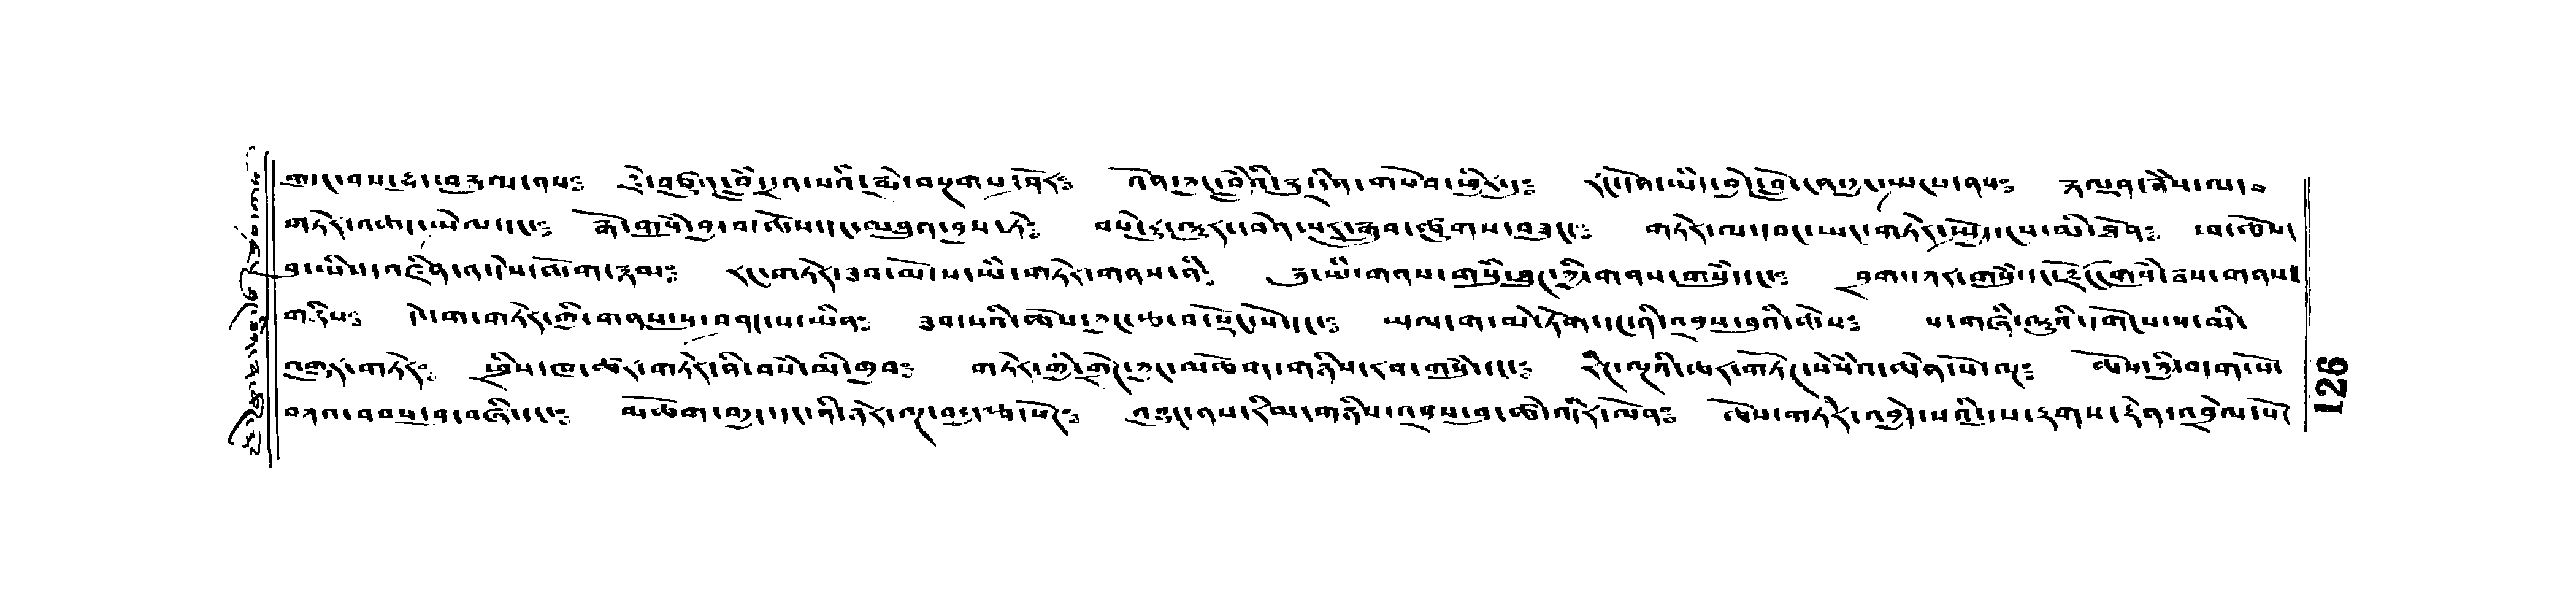གདུང་བས་རྒྱུད་བསྐུལ་ནས༔ རྗེ་བཙུན་བླ་མ་དྲན་པའི་སྨྲེ་སྔགས་ཤོར༔ འོན་ཀྱང་བླ་མའི་སྐུ་དྲིན་གསབ་ཕྱིར་དུ༔ རང་དོན་ཡིད་བྱེད་བློ་ངན་རྒྱང་སྤངས་ནས༔ སྐལ་ལྡན་རྣམས་ལ་ཟབ་
གཏེར་འཆད་སྤེལ་དང༔ སྒོ་གསུམ་བྱ་བ་ཆོས་དང་མཐུན་བྱས་ཏེ༔ བསེ་རུ་ལྟ་བུར་དབེན་པར་སྒྲུབ་ཚུགས་བཟུང༔ གཏེར་ལ་དབང་ཡང་གཏེར་སྤྱོད་ངས་མི་ཐོན༔ ཕ་ཆོས་
བུ་ཡིས་འཛིན་ན་དེས་ཆོག་སྙམ༔ རང་གཏེར་ཟབ་མོ་ས་ཡི་གཏེར་གནས་ནི༔ སྐུ་ཡི་གནས་གསུམ་ཐུགས་ཀྱི་གནས་གསུམ་དང༔ བྲག་དཀར་གསུམ་དང་རྫོང་གསུམ་སྦས་གནས་
གཉིས༔ དེ་དག་གཏེར་གྱིས་གནས་སུ་བཤད་པ་ཡིན༔ ཟབ་པའི་ཆོས་ཀྱང་རྩ་བ་སྡོང་པོ་དང༔ ཡལ་ག་མེ་ཏོག་དང་ནི་འབྲས་བུའི་ཆོས༔ ས་གཞི་ལྟ་བུའི་དགོངས་པ་མི་
འགྱུར་གཏེར༔ ཕྲིན་ལས་ཁ་ཚར་གཏེར་ནི་བསམ་མི་ཁྱབ༔ གཏེར་གྱི་གྲོགས་ཀྱང་མཆོག་གཉིས་རབ་གསུམ་དང༔ རིགས་ལྔའི་ཆར་གཏོགས་སེམས་དཔའ་ཆེན་པོ་ལྔ༔ ཆོས་ཀྱི་བདག་པོ་
བཀའ་བབས་བུ་བཞི་དང༔ མཆོག་བརྒྱད་དང་ནི་ཉེར་ལྔ་བརྒྱ་རྩ་སོགས༔ འབྱུང་ནས་རིམ་གཉིས་འབྲས་བུ་ཚེ་འདིར་ལོན༔ ཆོས་གཏེར་འབྱེད་པའི་དུས་རྟགས་རྟེན་འབྲེལ་སོགས༔